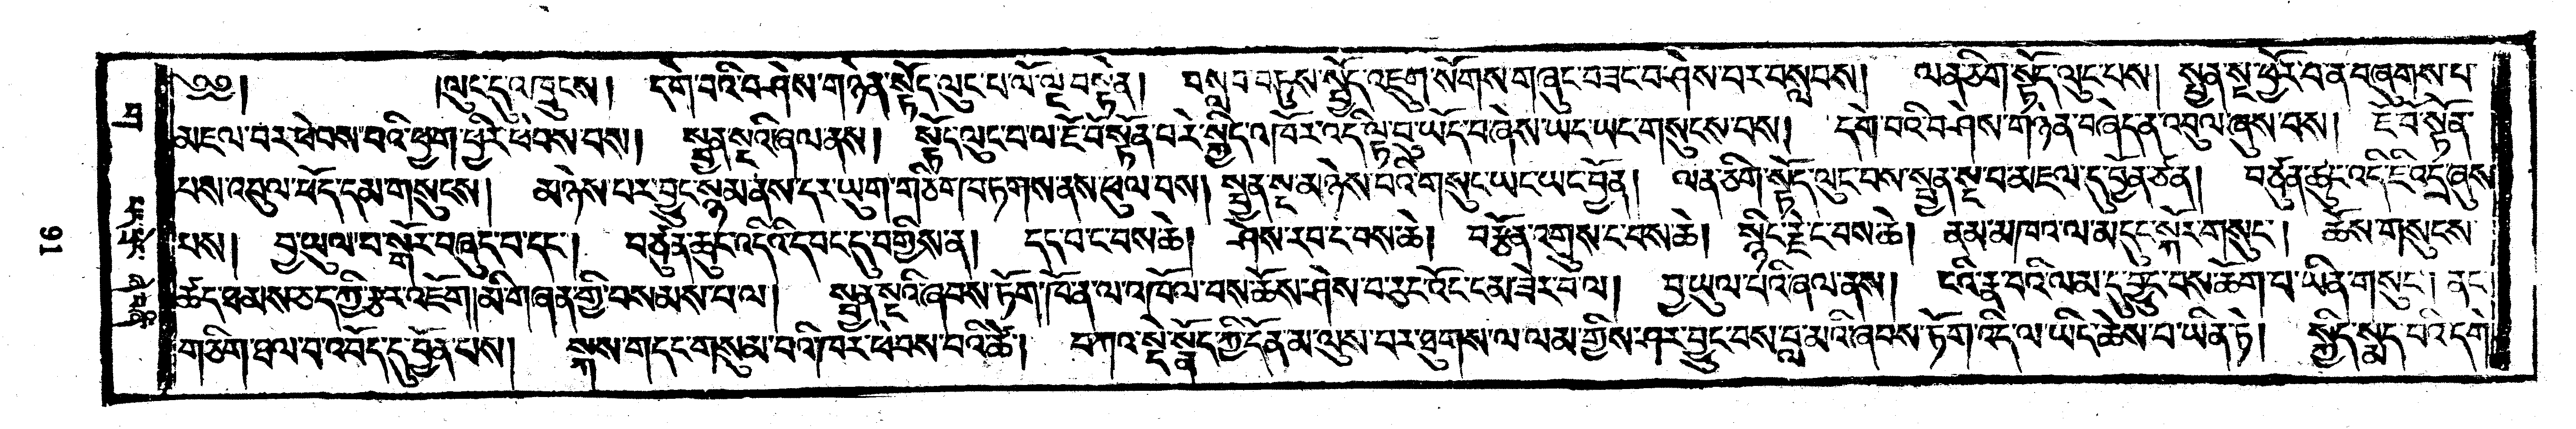༄༅། །ལུང་དུ་འཁྲུངས། དགེ་བའི་བཤེས་གཉེན་སྟོད་ལུང་པ་ལོ་ལྔ་བསྟེན། བསླབ་བཏུས་སྤྱོད་འཇུག་སོགས་གཞུང་བཟང་བ་ཤེས་བར་བསླབས། ལན་ཅིག་སྟོད་ལུང་པས། སྤྱན་སྔ་ཕྱོར་བ་ན་བཞུགས་པ་
མཇལ་བར་ཕེབས་པའི་ཕྱག་ཕྱིར་ཕེབས་པས། སྤྱན་སྔའི་ཞལ་ནས། སྟོད་ལུང་བ་ལ་ཇོ་བོ་སྟོན་པ་རེ་སྐྱིད་འཁོར་འདི་ལྟ་བུ་ཡོད་པ་ཞེས་ཡང་ཡང་གསུངས་བས། དགེ་བའི་བཤེས་གཉེན་བཞེད་ན་འབུལ་ཞུས་པས། ཇོ་བོ་སྟོན་
པས་འབུལ་ཕོད་དམ་གསུངས། མཉེས་པར་བྱུང་སྙམ་ནས་དར་ཡུག་གཅིག་ཁ་ཏགས་ནས་ཕུལ་བས། སྤྱན་སྔ་མཉེས་བའི་གསུང་ཡང་ཡང་བྱོན། ལན་ཅིག་སྟོད་ལུང་བས་སྤྱན་སྔ་བ་མཇལ་དུ་བྱོན་ཙན། བཙུན་ཆུང་འདི་ཇི་འདྲ་ཞུས་
པས། བྱ་ཡུལ་བ་སྒོར་བཞུང་བ་དང་། བཙུན་ཆུང་འདིའི་དབང་དུ་བགྱིས་ན། དད་བ་ང་བས་ཆེ། ཤེས་རབ་ང་བས་ཆེ། བརྩོན་འགྲུས་ང་བས་ཆེ། སྙིང་རྗེ་ང་བས་ཆེ། ནམ་མཁའ་ལ་མདུང་སྐོར་གསུང་། ཆོས་གསུངས་
ཚད་ཐམས་ཅད་ཀྱི་རྩར་འཇོག །མི་གཞན་གྱི་བསམས་པ་ལ། སྤྱན་སྔའི་ཞབས་ཏོག་ཁོ་ན་ལ་འཁོལ་བས་ཆོས་ཤེས་བ་ཅང་འོང་ངམ་ཟེར་བ་ལ། བྱ་ཡུལ་བའི་ཞལ་ནས། ངའི་རྣ་བའི་ལམ་དུ་བྱུང་བས་ཆོག་བ་ཡིན་གསུང་། ནང་
གཅིག་ཐལ་བ་འབོད་དུ་བྱོན་པས། སྐས་གདང་གསུམ་བའི་ཁར་ཕེབས་བའི་ཚེ། བཀའ་སྡེ་སྣོད་ཀྱི་དོན་མ་ལུས་བར་ཐུགས་ལ་ལམ་གྱིས་ཤར་བྱུང་བས་བླ་མའི་ཞབས་ཏོག་འདི་ལ་ཡིད་ཆེས་བ་ཡིན་ཏེ། སྐྱིད་སྨད་པའི་དགེ་